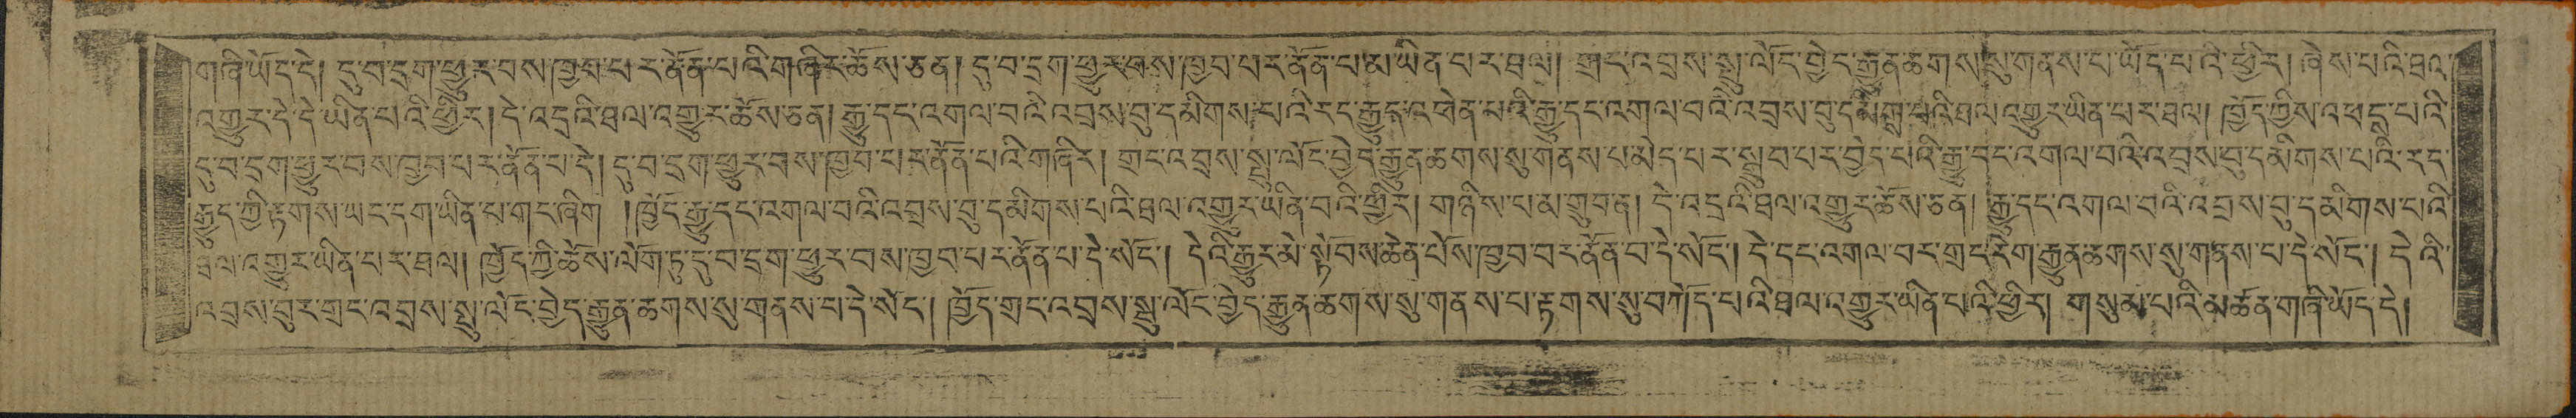གཞི་ཡོད་དེ། དུ་བ་དྲག་ཕྱུར་བས་ཁྱབ་པར་ནོན་པའི་གཞིར་ཆོས་ཅན། དུ་བ་དྲག་ཕྱུར་བས་ཁྱབ་པར་ནོན་པ་མ་ཡིན་པར་ཐལ། གྲང་འབྲས་སྤུ་ལོང་བྱེད་རྒྱུན་ཆགས་སུ་གནས་པ་ཡོད་པའི་ཕྱིར། ཞེས་པའི་ཐལ་
འགྱུར་དེ་དེ་ཡིན་པའི་ཕྱིར། དེ་འདྲའི་ཐལ་འགྱུར་ཆོས་ཅན། རྒྱུ་དང་འགལ་བའི་འབྲས་བུ་དམིགས་པའི་རང་རྒྱུད་འཕེན་པའི་རྒྱུ་དང་འགལ་བའི་འབྲས་བུ་དམིགས་པའི་ཐལ་འགྱུར་ཡིན་པར་ཐལ། ཁྱོད་ཀྱིས་འཕངས་པའི་
དུ་བ་དྲག་ཕྱུར་བས་ཁྱབ་པར་ནོན་པ་དེ། དུ་བ་དྲག་ཕྱུར་བས་ཁྱབ་པར་ནོན་པའི་གཞིར། གྲང་འབྲས་སྤུ་ལོང་བྱེད་རྒྱུན་ཆགས་སུ་གནས་པ་མེད་པར་སྒྲུབ་པར་བྱེད་པའི་རྒྱུ་དང་འགལ་བའི་འབྲས་བུ་དམིགས་པའི་རང་
རྒྱུད་ཀྱི་རྟགས་ཡང་དག་ཡིན་པ་གང་ཞིག །ཁྱོད་རྒྱུ་དང་འགལ་བའི་འབྲས་བུ་དམིགས་པའི་ཐལ་འགྱུར་ཡིན་པའི་ཕྱིར། གཉིས་པ་མ་གྲུབ་ན། དེ་འདྲའི་ཐལ་འགྱུར་ཆོས་ཅན། རྒྱུ་དང་འགལ་བའི་འབྲས་བུ་དམིགས་པའི་
ཐལ་འགྱུར་ཡིན་པར་ཐལ། ཁྱོད་ཀྱི་ཆོས་ལོག་ཏུ་དུ་བ་དྲག་ཕྱུར་བས་ཁྱབ་པར་ནོན་པ་དེ་སོང་། དེའི་རྒྱུར་མེ་སྟོབས་ཆེན་པོས་ཁྱབ་པར་ནོན་པ་དེ་སོང་། དེ་དང་འགལ་བར་གྲང་རེག་རྒྱུན་ཆགས་སུ་གནས་པ་དེ་སོང་། དེའི་
འབྲས་བུར་གྲང་འབྲས་སྤུ་ལོང་བྱེད་རྒྱུན་ཆགས་སུ་གནས་པ་དེ་སོང་། ཁྱོད་གྲང་འབྲས་སྤུ་ལོང་བྱེད་རྒྱུན་ཆགས་སུ་གནས་པ་རྟགས་སུ་བཀོད་པའི་ཐལ་འགྱུར་ཡིན་པའི་ཕྱིར། གསུམ་པའི་མཚན་གཞི་ཡོད་དེ།